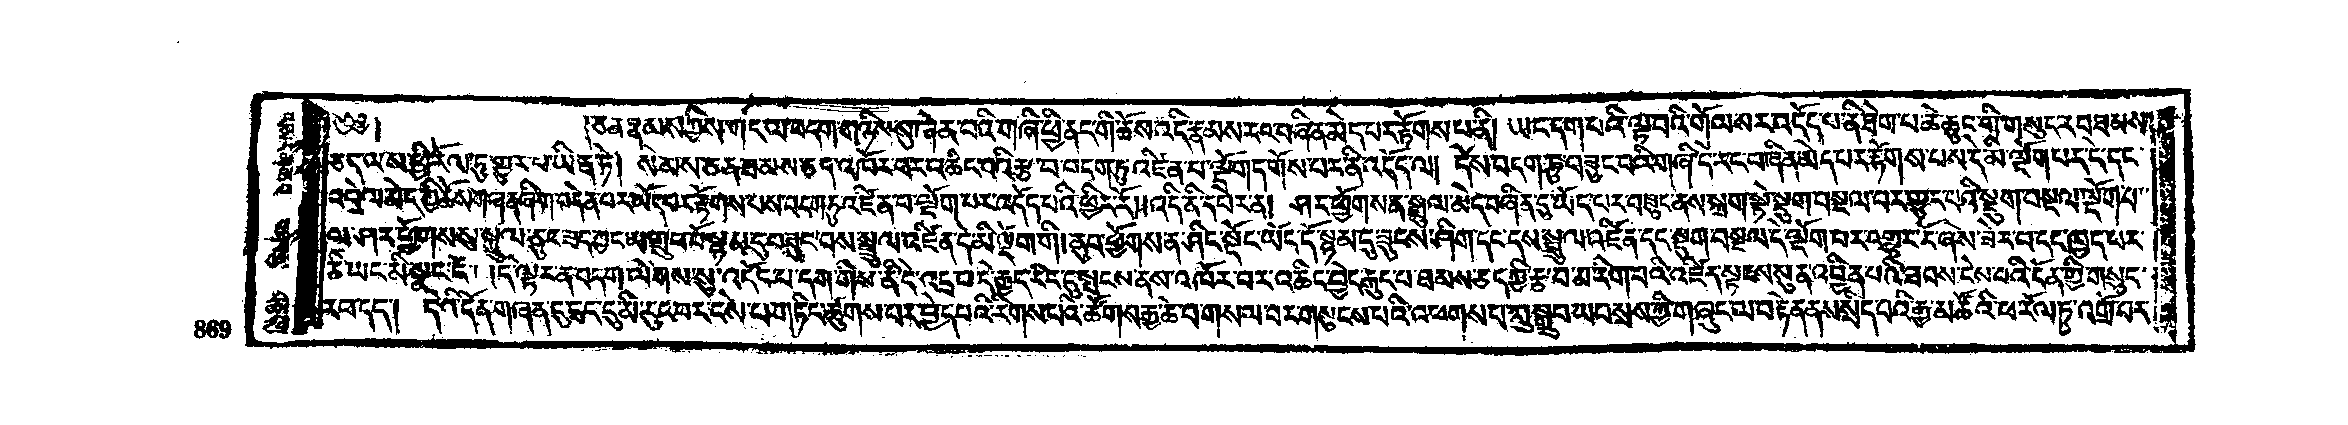༄༅། །ཅན་རྣམས་ཀྱིས་གང་ལ་བདག་གཉིས་སུ་ཞེན་པའི་གཞི་ཕྱི་ནང་གི་ཆོས་འདི་རྣམས་རང་བཞིན་མེད་པར་རྟོགས་པ་ནི། ཡང་དག་པའི་ལྟ་བའི་གོལ་སར་འདོད་པ་ནི་ཐེག་པ་ཆེ་ཆུང་གི་གསུང་རབ་ཐམས་
ཅན་ལས་ཕྱི་རོལ་ཏུ་གྱུར་པ་ཡིན་ཏེ། སེམས་ཅན་ཐམས་ཅད་འཁོར་བར་འཆིང་བའི་རྩ་བ་བདག་ཏུ་འཛིན་པ་ལྡོག་དགོས་པར་ནི་འདོད་ལ། དེས་བདག་ཏུ་བཟུང་བའི་གཞི་དེ་རང་བཞིན་མེད་པར་རྟོགས་པས་དེ་མི་ལྡོག་པར་དེ་དང་
འབྲེལ་མེད་ཀྱི་ཆོས་གཞན་ཞིག་བདེན་པར་ཡོད་པར་རྟོགས་པས་བདག་ཏུ་འཛིན་པ་ལྡོག་པར་འདོད་པའི་ཕྱིར་རོ། །འདི་ནི་དཔེར་ན། ཤར་ཕྱོགས་ན་སྦྲུལ་མེད་བཞིན་དུ་ཡོད་པར་བཟུང་ནས་སྐྲག་སྟེ་སྡུག་བསྔལ་བར་གྱུར་པའི་སྡུག་བསྔལ་ལྡོག་པ་
ལ་ཤར་ཕྱོགས་སུ་སྦྲུལ་ཅུང་ཟད་ཀྱང་མ་གྲུབ་བོ་སྙམ་དུ་བཟུང་བས་སྦྲུལ་འཛིན་དེ་མི་ལྡོག་གི། ནུབ་ཕྱོགས་ན་ཤིང་སྡོང་ཡོད་དོ་སྙམ་དུ་ཟུངས་ཤིག་དང་དེས་སྦྲུལ་འཛིན་དང་སྡུག་བསྔལ་དེ་ལྡོག་པར་འགྱུར་རོ་ཞེས་ཟེར་བ་དང་ཁྱད་པར་
ཅི་ཡང་མི་སྣང་ངོ། །དེ་ལྟར་ན་བདག་ལེགས་སུ་འདོད་པ་དག་གིས་ནི་དེ་འདྲ་བ་དེ་རྒྱང་རིང་དུ་སྤངས་ནས་འཁོར་བར་འཆིང་བྱེད་རྒུད་པ་ཐམས་ཅད་ཀྱི་རྩ་བ་མ་རིག་པའི་འཛིན་སྟངས་སུན་འབྱིན་པའི་ཐབས་ངེས་པའི་དོན་གྱི་གསུང་
རབ་དང་། དེའི་དོན་གཞན་དུ་དྲང་དུ་མི་རུང་བར་ངེས་པ་གཏིང་ཚུགས་པར་བྱེད་པའི་རིགས་པའི་ཚོགས་རྒྱ་ཆེ་བ་གསལ་བར་གསུངས་པའི་འཕགས་པ་ཀླུ་སྒྲུབ་ཡབ་སྲས་ཀྱི་གཞུང་ལ་བརྟེན་ནས་སྲིད་པའི་རྒྱ་མཚོའི་ཕ་རོལ་ཏུ་འགྲོ་བར་